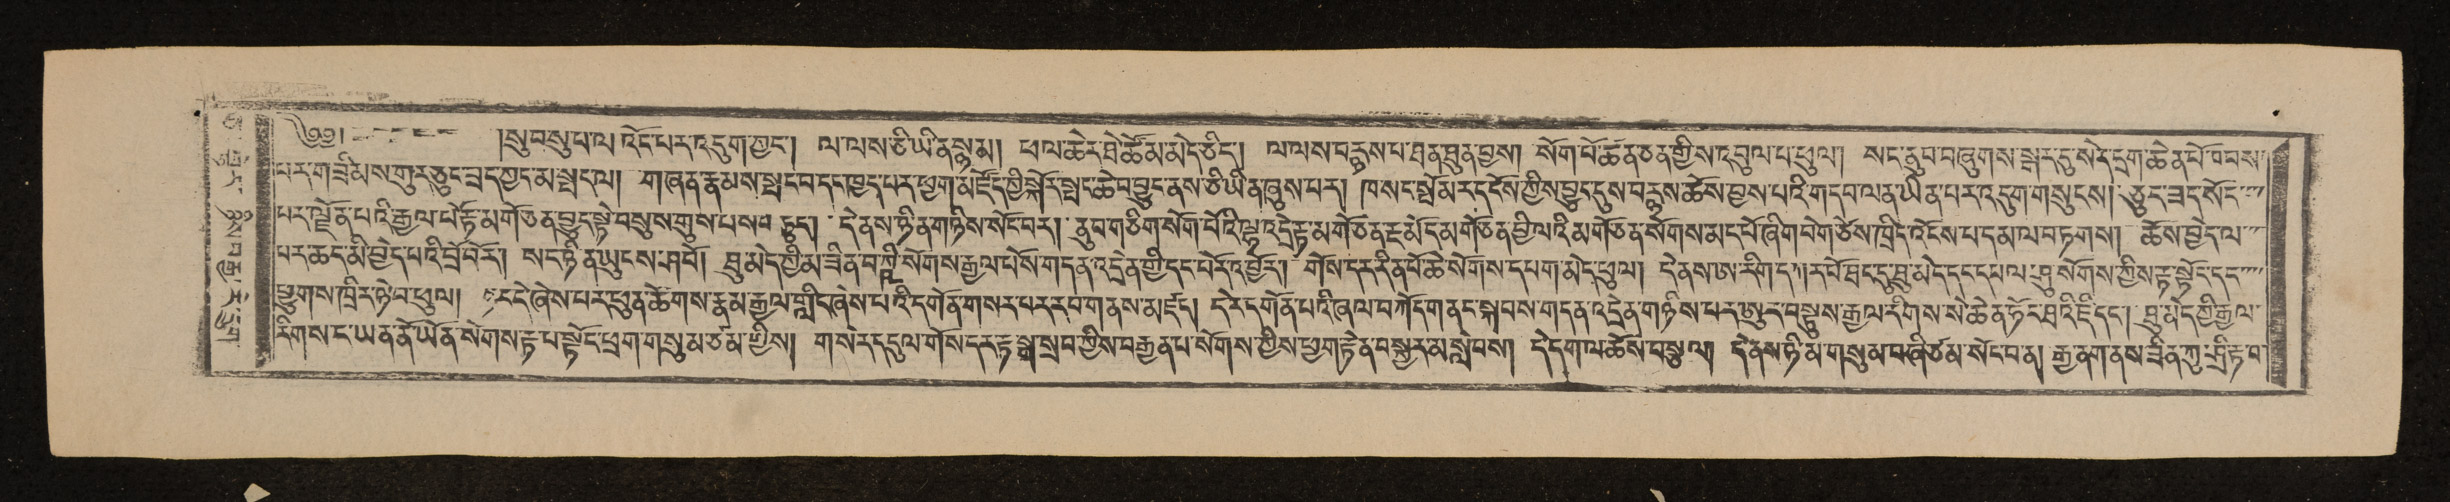༄༅། །སུ་བསུ་བ་ལ་འོང་བར་འདུག་ཀྱང་། ལ་ལས་ཅི་ཡིན་སྙམ། ཕལ་ཆེར་ཐེ་ཚོམ་མེད་ཅིང་། ལ་ལས་བརྙས་པ་ཐན་ཐུན་བྱས། སོག་པོ་ཚན་ཅན་གྱིས་འབུལ་བ་ཕུལ། སང་ནུབ་བཞུགས་སྒར་དུ་སེར་དྲག་ཆེན་པོ་བབས་
པར་གཟིམས་གུར་ཅུང་ཟད་ཀྱང་མ་སྤང་ལ། གཞན་རྣམས་སྤང་བ་དང་ཁྱད་པར་ཕྱག་མཛོད་ཀྱི་སྐོར་སྤང་ཆེ་བ་བྱུང་ནས་ཅི་ཡིན་ཞུས་པར། ཁ་སང་སྤོམ་ར་དངོས་ཀྱིས་བྱུང་དུས་བརྙས་ཆོས་བྱས་པའི་གདབ་ལན་ཡིན་པར་འདུག་གསུངས། ཅུང་ཟད་སོང་
པར་ལྗོན་པའི་རྒྱལ་པོ་རྟ་མགོ་ཅན་བྱུང་སྟེ་བསུས་གུས་པས་བཏུད། དེ་ནས་ཉིན་གཉིས་སོང་བར། ནུབ་གཅིག་སོག་པོའི་ལྷ་འདྲེ་རྟ་མགོ་ཅན་རྔ་མོང་མགོ་ཅན་བྱི་ལའི་མགོ་ཅན་སོགས་མང་པོ་ཞིག་བེག་ཙེས་ཁྲིད་འོངས་པ་དམ་ལ་བཏགས། ཆོས་བྱེད་ལ་
བར་ཆད་མི་བྱེད་པའི་པྲོ་པོར། སང་ཉིན་ཡུངས་ཤ་པོ། ཐུ་མེད་ཀྱི་མ་ཟིན་པཀྵི་སོགས་རྒྱལ་པོས་གདན་འདྲེན་གྱི་དང་པོར་འབྱོར། གོས་དར་རིན་པོ་ཆེ་སོགས་དཔག་མེད་ཕུལ། དེ་ནས་ཨ་རིག་དཀར་པོ་ཐང་དུ་ཐུ་མེད་དང་དཔལ་ཤུ་སོགས་ཀྱིས་རྟ་སྟོང་དང་
ཕྱུགས་ཁྲིར་ཉེ་བ་ཕུལ། ཧང་དེ་ཞེས་པར་ཕུན་ཚོགས་རྣམ་རྒྱལ་གླིང་ཞེས་པའི་དགོན་གསར་བར་རབ་གནས་མཛད། དེར་དགོན་པའི་ཞལ་བཀོད་གནང་སྐབས་གདན་འདྲེན་གཉིས་པར་ཨུར་བསྟུས་རྒྱལ་རིགས་སེ་ཆེན་ཧོང་བའི་ཇི་དང་། ཐུ་མེད་ཀྱི་རྒྱལ་
རིགས་ད་ཡན་ནོ་ཡོན་སོགས་རྟ་པ་སྟོང་ཕྲག་གསུམ་ཙམ་གྱིས། གསེར་དངུལ་གོས་དར་རྟ་སྒ་སྲབ་ཀྱིས་བརྒྱན་པ་སོགས་ཀྱིས་ཕྱག་རྟེན་བསྐྱར་མ་སླེབས། དེ་དག་ལ་ཆོས་བསྩལ། དེ་ནས་ཉི་མ་གསུམ་བཞི་ཙམ་སོང་བ་ན། རྒྱ་ནག་ནས་ཟིན་ཀུ་ཤྲི་རྟབ་